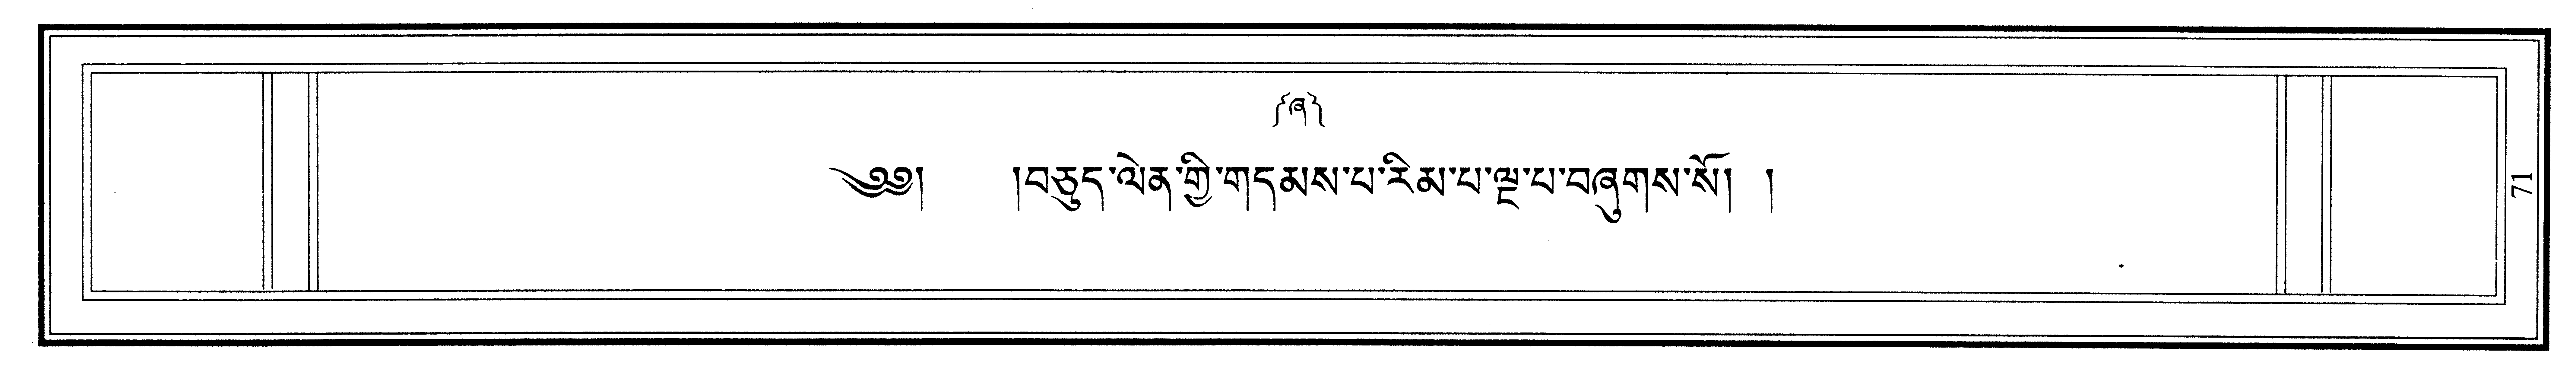༄༅། །བཅུད་ལེན་གྱི་གདམས་པ་རིམ་པ་ལྔ་པ་བཞུགས་སོ། །